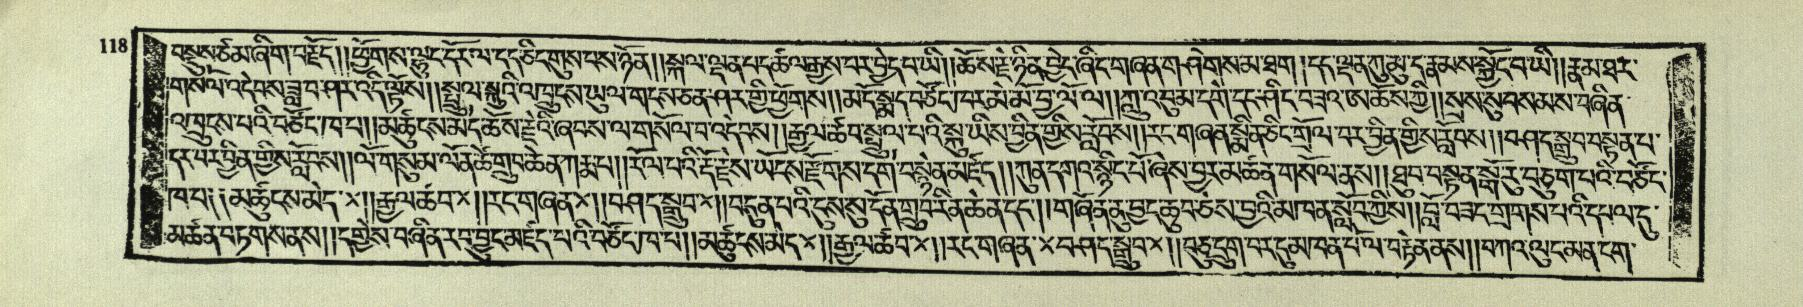བསྡུས་ཙམ་ཞིག་བརྗོད། །ཕྱོགས་ལྷུང་དོར་ལ་དད་ཅིང་གུས་པས་ཉོན། །སྐལ་ལྡན་པད་ཚལ་རྒྱས་པར་བྱེད་པ་ཡི། །ཆོས་རྗེ་ཉིན་བྱེད་ཞིང་གཞན་གཤེགས་མ་ཐག །དང་ལྡན་ཀུ་མུ་ད་རྣམས་སྐྱོང་བ་ཡིན། །རྣམ་ཐར་
གསོལ་འདེབས་ཟླ་བ་ཤར་འདི་ལྟོས། །སྤྲུལ་སྐུའི་འཁྲུངས་ཡུལ་གངས་ཅན་ཤར་གྱི་ཕྱོགས། །མདོ་སྨད་བཙོང་ཁར་མེ་མོ་བྱ་ལོ་ལ། །ཀླུ་འབུམ་དགེ་དང་ཤིང་བཟའ་ཨ་ཆོས་ཀྱི། །སྲས་སུ་བསམས་བཞིན་
འཁྲུངས་པའི་བཙོང་ཁ་པ། །མཚུངས་མེད་ཆོས་རྗེའི་ཞབས་ལ་གསོལ་བ་འདེབས། །རྒྱལ་ཚབ་སྤྲུལ་པའི་སྐུ་ཡིས་བྱིན་གྱིས་རློབས། །རང་གཞན་སྨིན་ཅིང་གྲོལ་བར་བྱིན་གྱིས་རློབས། །བཤད་སྒྲུབ་བསྟན་པ་
དར་པར་བྱིན་གྱིས་རློབས། །ལོ་གསུམ་ལོན་ཚེ་གྲུབ་ཆེན་ཀརྨ་པ། །རོལ་པའི་རྡོ་རྗེས་ཡོངས་རྫོགས་དགེ་བསྙེན་མཛད། །ཀུན་དགའ་སྙིང་པོ་ཞེས་བྱར་མཚན་གསོལ་ནས། །ཐུབ་བསྟན་སྒོ་རུ་བཅུག་པའི་བཙོང་
ཁ་པ༑ ༑མཚུངས་མེད་྾། །རྒྱལ་ཚབ་྾། །རང་གཞན་྾། །བཤད་སྒྲུབ་྾། །བདུན་པའི་དུས་སུ་དོན་གྲུབ་རིན་ཆེན་དང་། །གཞོན་ནུ་བྱང་ཆུབ་ཅེས་བྱའི་མཁན་སློབ་ཀྱིས། །བློ་བཟང་གྲགས་པའི་དཔལ་དུ་
མཚན་བཏགས་ནས། །དགྱེས་བཞིན་རབ་བྱུང་མཛད་པའི་བྪོང་ཁ་པ། །མཚུངས་མེད་྾། །རྒྱལ་ཚབ་྾། །རང་གཞན་྾་བཤད་སྒྲུབ་྾། །བཅུ་དྲུག་བར་དུ་མཁན་པོ་ལ་བརྟེན་ནས། །བཀའ་ལུང་མན་ངག་